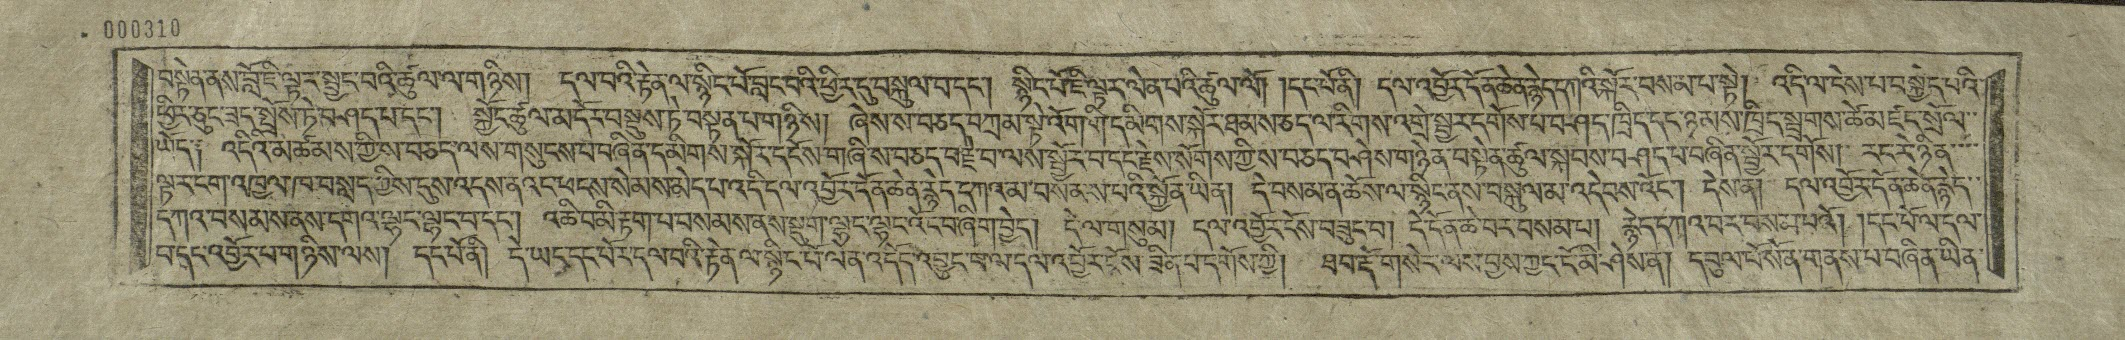བསྟེན་ནས་བློ་ཇི་ལྟར་སྦྱང་བའི་ཚུལ་ལ་གཉིས། དལ་བའི་རྟེན་ལ་སྙིང་པོ་བླང་བའི་ཕྱིར་དུ་བསྐུལ་བ་དང་། སྙིང་པོ་ཇི་ལྟར་ལེན་པའི་ཚུལ་ལོ། །དང་པོ་ནི། དལ་འབྱོར་དོན་ཆེན་རྙེད་དཀའི་སྐོར་བསམ་པ་སྟེ། འདི་ལ་ངེས་པ་བསྐྱེད་པའི་
ཕྱིར་ཅུང་ཟད་སྤྲོས་ཏེ་བཤད་པ་དང་། སྐྱོང་ཚུལ་མདོར་བསྡུས་ཏེ་བསྟན་པ་གཉིས། ཞེས་ས་བཅད་བཀྲམ་སྟེ་འོག་གི་དམིགས་སྐོར་ཐམས་ཅད་ལ་རིགས་འགྲེ་སྦྱར་དགོས་པ་བཤད་ཁྲིད་དང་ཉམས་ཁྲིད་སྦྲགས་ཚེ་མཛད་སྲོལ་
ཡོད༑ འདིའི་མཚམས་ཀྱིས་བཅད་ལས་གསུངས་པ་བཞིན་དམིགས་སྐོར་དངོས་གཞི་ས་བཅད་བརྗེ་བ་ལས་སྦྱོར་བ་དང་རྗེས་སོགས་ཀྱི་ས་བཅད་བཤེས་གཉེན་བསྟེན་ཚུལ་སྐབས་བཤད་པ་བཞིན་སྦྱོར་དགོས། རང་རེ་ཉིན་
ལྟར་ངག་འཁྱལ་ཁ་བསླད་ཀྱིས་དུས་འདས་ནའང་ཕངས་སེམས་མེད་པ་འདི་དལ་འབྱོར་དོན་ཆེན་རྙེད་དཀའ་མ་བསམས་པའི་སྐྱོན་ཡིན། དེ་བསམ་ན་ཆོས་ལ་སྙིང་ནས་བསྐུལ་མ་འདེབས་འོང་། དེས་ན། དལ་འབྱོར་དོན་ཆེན་རྙེད་
དཀའ་བསམས་ནས་དགའ་ལྷང་ལྷང་བ་དང་། འཆི་བ་མི་རྟག་པ་བསམས་ནས་སྡུག་ལྷང་ལྷང་འོང་བ་ཞིག་བྱེད། དེ་ལ་གསུམ། དལ་འབྱོར་ངོས་བཟུང་བ། དེ་དོན་ཆེ་བར་བསམ་པ། རྙེད་དཀའ་བར་བསམ་པའོ། །དང་པོ་ལ་དལ་
བ་དང་འབྱོར་པ་གཉིས་ལས། དང་པོ་ནི། དེ་ཡང་དང་པོར་དལ་བའི་རྟེན་ལ་སྙིང་པོ་ལེན་འདོད་འབྱུང་བ་ལ་དལ་འབྱོར་ངོས་ཟིན་པ་དགོས་ཀྱི། ཐབ་རྡོ་གསེར་ལས་བྱས་ཀྱང་ངོ་མི་ཤེས་ན། དབུལ་པོ་སོ་ན་གནས་པ་བཞིན་ཡིན་